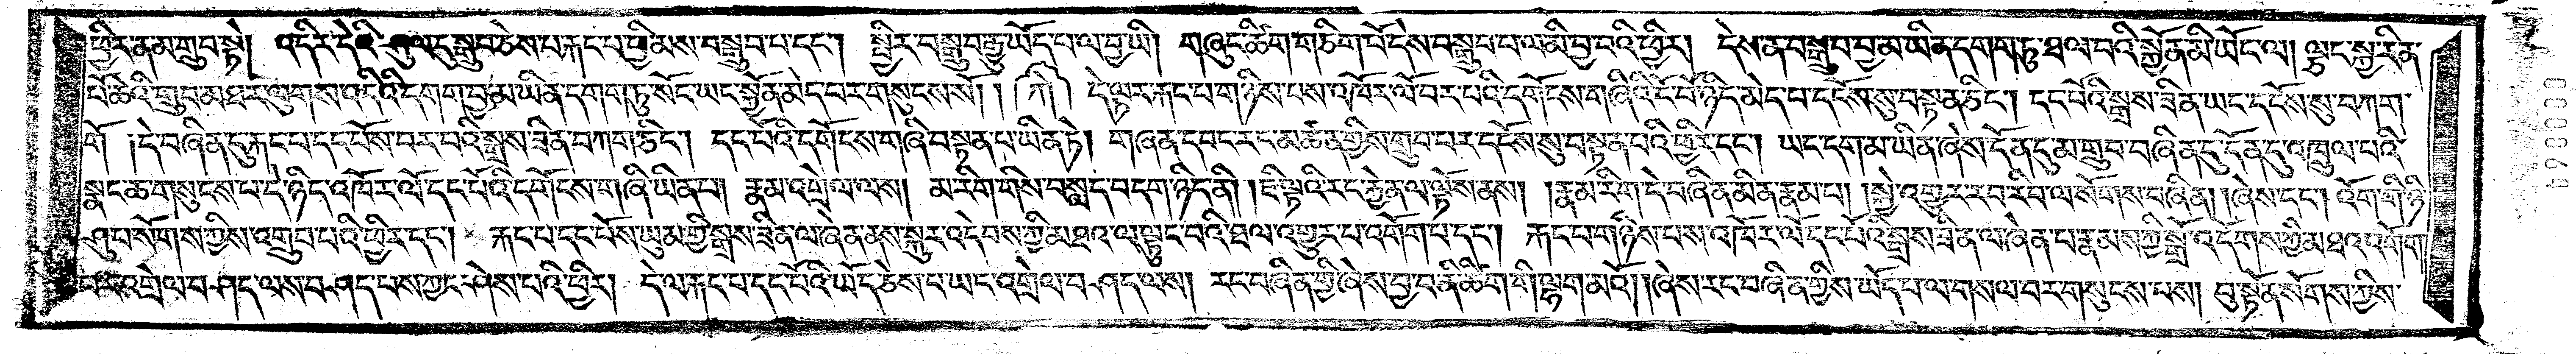ཕྱིར་ན་མ་གྲུབ་སྟེ། འདིར་དེའི་ཤུལ་དུ་སྒྲུབ་ཅེས་པ་རྐང་པ་ཕྱི་མས་བསྒྲུབ་པ་དང་། སྤྱིར་བསྒྲུབ་རྒྱུ་ཡོད་པ་ལ་བྱ་ཡི། གཞུང་ཚིག་གཅིག་པོ་དེས་བསྒྲུབ་པ་ལ་མི་བྱ་བའི་ཕྱིར། དེས་ན་བསྒྲུབ་བྱ་མ་ཡིན་དགག་ཏུ་ཐལ་བའི་སྐྱོན་མི་ཡོང་ལ། ལྕང་སྐྱ་རིན་
པོ་ཆེའི་གྲུབ་མཐར་ལུགས་འདིའི་དགག་བྱ་མ་ཡིན་དགག་ཏུ་སོང་ཡང་སྐྱོན་མེད་པར་གསུངས་སོ། །༼ཀེ༽ དེ་ལྟར་རྐང་པ་གཉིས་པས་འཁོར་ལོ་བར་པའི་དགོངས་གཞིའི་ངོ་བོ་ཉིད་མེད་པ་དངོས་སུ་བསྟན་ཅིང་། དང་པོའི་སྒྲས་ཟིན་ཡང་དངོས་སུ་བཀག་
གོ །དེ་བཞིན་དུ་རྐང་པ་དང་པོས་བར་པའི་སྒྲས་ཟིན་བཀག་ཅིང་། དང་པོའི་དགོངས་གཞི་བསྟན་པ་ཡིན་ཏེ། གཞན་དབང་རང་མཚན་གྱིས་གྲུབ་པར་དངོས་སུ་བསྟན་པའི་ཕྱིར་དང་། ཡང་དག་མ་ཡིན་ཞེས་དོན་དུ་མ་གྲུབ་བཞིན་དུ་དོན་དུ་འཁྲུལ་པའི་
སྣང་ཆ་གསུངས་པ་དེ་ཉིད་འཁོར་ལོ་དང་པོའི་དགོངས་གཞི་ཡིན་པ། རྣམ་འགྲེལ་ལས། མ་རིག་གིས་བསླད་བདག་ཉིད་ནི། །ཇི་ལྟའི་རང་རྐྱེན་ལ་ལྟོས་ནས། །རྣམ་རིག་དེ་བཞིན་མིན་རྣམ་པ། །སྐྱེ་འགྱུར་རབ་རིབ་ལ་སོགས་བཞིན། །ཞེས་དང་། འོག་གི་ཉི་
ཤུ་པ་སོགས་ཀྱིས་འགྲུབ་པའི་ཕྱིར་དང་། རྐང་པ་དང་པོས་ཡུམ་གྱི་སྒྲས་ཟིན་ལ་ཞེན་ནས་སྐུར་འདེབས་ཀྱི་མཐའ་ལ་ལྟུང་བའི་ཐལ་འགྱུར་བ་འགོག་པ་དང་། རྐང་པ་གཉིས་པས་འཁོར་ལོ་དང་པོའི་སྒྲས་ཟིན་ལ་ཞེན་པ་རྣམས་ཀྱི་སྒྲོ་འདོགས་ཀྱི་མཐའ་འགོག་
པར་འགྲེལ་བཤད་ལས་བཤད་པས་ཀྱང་ཤེས་པའི་ཕྱིར། དེ་ལ་རྐང་པ་དང་པོའི་ཡོད་ཅེས་པ་ཡང་འགྲེལ་བཤད་ལས། རང་བཞིན་གྱི་ཞེས་བྱ་བ་ནི་ཚིག་གི་ལྷག་མའོ། །ཞེས་རང་བཞིན་གྱིས་ཡོད་པ་ལ་གསལ་བར་གསུངས་པས། བུ་སྟོན་སོགས་ཀྱིས་